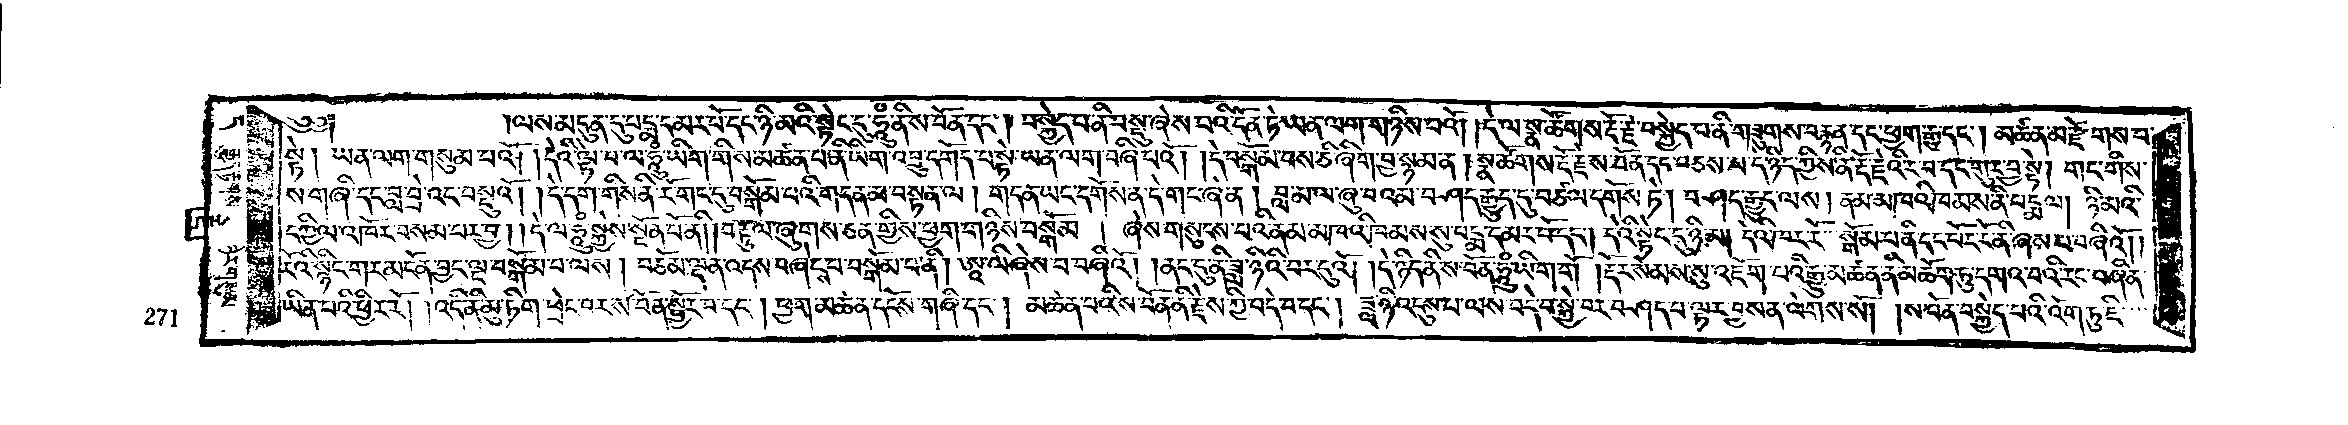༄༅། །ལས་མདུན་དུ་པདམ་དམར་པོ་དང་ཉི་མའི་སྟེང་དུ་ཧཱུཾ་ནི་ས་བོན་དང་། བསྐྱེད་པ་ནི་བསྡུ་ཞེས་པའི་དོན་ཏེ་ཡན་ལག་གཉིས་པའོ། །དེ་ལ་སྣ་ཚོགས་རྡོ་རྗེ་བསྐྱེད་པ་ནི་གཟུགས་བརྙན་དང་ཕྱག་རྒྱ་དང་། མཚན་མ་རྫོགས་པ་
སྟེ། ཡན་ལག་གསུམ་པའོ། །དེའི་ལྟེ་པ་ལ་ཧཱུཾ་ཡིག་གིས་མཚན་པ་ནི་ཡིག་འབྲུ་དགོད་པ་སྟེ་ཡན་ལག་བཞི་པའོ། །དེ་བསྒོམ་པས་ཅི་ཞིག་བྱ་སྙམ་ན། སྣ་ཚོགས་རྡོ་རྗེ་ས་བོན་དང་བཅས་པ་དེ་ཉིད་ཀྱིས་ནི་རྡོ་རྗེའི་ར་བ་དང་གུར་བྱ་སྟེ། གང་གིས་
ས་གཞི་དང་བླ་བྲེ་འང་བསྡུའོ། །དེ་དག་གིས་ནི་རོ་གང་དུ་བསྒོམ་པའི་གདན་མ་བསྟན་ལ། གདན་ཡང་དགོས་ན་དེ་གང་ཞེ་ན། བླ་མ་ལ་ཞུ་བའམ་བཤད་རྒྱུད་དུ་བཙལ་དགོས་ཏེ། བཤད་རྒྱུད་ལས། ནམ་མཁའི་ཁམས་ནི་པདམ་ལ། ཉི་མའི་
དཀྱིལ་འཁོར་བསམ་པར་བྱ། །དེ་ལ་ཧཱུཾ་སྐྱེས་སྔོན་པོ་ནི། །བརྟུལ་ཞུགས་ཅན་གྱིས་ཕྱག་གཉིས་བསྒོམ། ཞེས་གསུངས་པའི་ནམ་མཁའི་ཁམས་སུ་པདམ་དམར་པོ་དང་། དེའི་སྟེང་དུ་ཉི་མ། དེའི་ཁར་རོ་སྒོམ་པ་ནི་དང་པོར་རོ་ནི་ཞེས་པ་བཞིའོ། །
རོའི་སྙིང་གར་མངོན་བྱང་ལྔ་བསྒོམ་པ་ལས། བཅོམ་ལྡན་འདས་བཞེངས་པ་བསྒོམ་པ་ནི། ཨཱ་ལི་ཞེས་པ་བཞིའོ། །ནང་དུ་ནི་ཟླ་ཉིའི་བར་དུའོ། །དེ་ཉིད་ནི་ས་བོན་ཧཱུཾ་ཡིག་གོ །རྡོར་སེམས་སུ་འཇོག་པའི་རྒྱུ་མཚན་ནི་མཆོག་ཏུ་དགའ་བའི་རང་བཞིན་
ཡིན་པའི་ཕྱིར་རོ། །འདི་ནི་མུ་ཏིག་ཕྲེང་བར་ས་བོན་སྦྱོར་བ་དང་། ཕྱག་མཚན་དངོས་གཞི་དང་། མཚན་པའི་ས་བོན་ནི་རྗེས་ཀྱི་བདེ་བ་དང་། ཟླ་ཉི་འདུས་པ་ལས་བདེ་བ་སྐྱེ་བར་བཤད་པ་ལྟར་བྱས་ན་ལེགས་སོ། །ས་བོན་བསྐྱེད་པའི་འོག་ཏུ་ཇི་